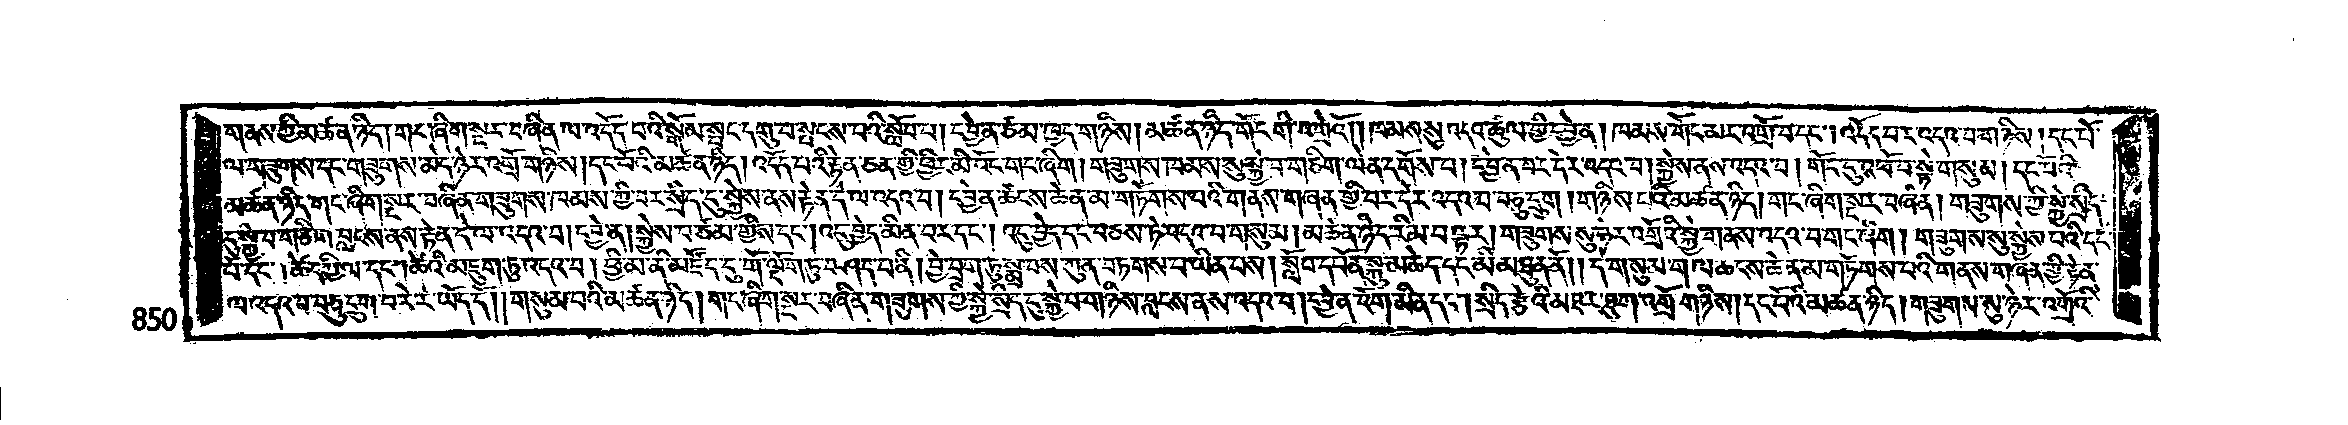གནས་ཀྱི་མཚན་ཉིད། གང་ཞིག་སྔར་བཞིན་ལ་འདོད་པའི་སྒོམ་སྤང་དགུ་པ་སྤངས་པའི་སློབ་པ། དབྱེ་ན་ཙམ་ཁྱད་གཉིས། མཚན་ཉིད་གོང་གི་འགྲེའོ། །ཁམས་སུ་འདའ་ཚུལ་གྱི་གྱིས་དབྱེ་ན། ཁམས་གོང་མར་འགྲོ་བ་དང་། འདོད་པར་འདའ་བ་གཉིས། དང་པོ་
ལ་གཟུགས་དང་གཟུགས་མེད་ཉེར་འགྲོ་གཉིས། དང་པོའི་མཚན་ཉིད། འདོད་པའི་རྟེན་ཅན་གྱི་ཕྱིར་མི་འོང་གང་ཞིག །གཟུགས་ཁམས་སུ་སྐྱེ་བ་གཅིག་ལེན་དགོས་པ། དབྱེ་ན་བར་དེར་འདའ་བ། སྐྱེས་ནས་འདའ་བ། གོང་དུ་འཕོ་བ་སྟེ་གསུམ། དང་པོའི་
མཚན་ཉིད་གང་ཞིག་སྔར་བཞིན་གཟུགས་ཁམས་ཀྱི་བར་སྲིད་དུ་སྐྱེས་ནས་རྟེན་དེ་ལ་འདའ་བ། དབྱེ་ན་ཚང་ཆེན་མ་གཏོགས་པའི་གནས་གཞན་གྱི་བར་དེར་འདའ་བ་བཅུ་དྲུག །གཉིས་པའི་མཚན་ཉིད། གང་ཞིག་སྔར་བཞིན། གཟུགས་ཀྱི་སྐྱེ་སྲིད་
དུ་སྐྱེ་བ་གཅིག་བླངས་ནས་རྟེན་དེ་ལ་འདའ་བ། དབྱེ་ན། སྐྱེས་པ་ཙམ་གྱིས་དང་། འདུ་བྱེད་མིན་པར་དང་། འདུ་བྱེད་དང་བཅས་ཏེ་འདའ་བ་གསུམ། མཚན་ཉིད་རིམ་པ་ལྟར། གཟུགས་སུ་ཉེར་འགྲོའི་སྐྱེ་གནས་འདའ་བ་གང་ཞིག །གཟུགས་སུ་སྐྱེས་པའི་དང་
པོ་དང་། ཚེ་དཀྱིལ་དང་། ཚེའི་མཇུག་ཏུ་འདའ་བ། ཕྱི་མ་ནི་མཛོད་དུ་གོ་ལྡོག་ཏུ་བཤད་པ་ནི། བྱེ་བྲག་ཏུ་སྨྲ་བས་ཀུན་བཏགས་པ་ཡིན་པས། སློབ་དཔོན་སྐུ་མཆེད་དང་མི་མཐུན་ནོ། །དེ་གསུམ་ག་ལ་ཚངས་ཆེན་མ་གཏོགས་པའི་གནས་གཞན་གྱི་རྟེན་
ལ་འདའ་བ་བཅུ་དྲུག་པ་རེ་རེ་ཡོད་དོ། །གསུམ་པའི་མཚན་ཉིད། གང་ཞིག་སྔར་བཞིན་གཟུགས་ཀྱི་སྐྱེ་སྲིད་དུ་སྐྱེ་བ་གཉིས་བླངས་ནས་འདའ་བ། དབྱེ་ན་འོག་མིན་དང་། སྲིད་རྩེའི་མཐར་ཐུག་འགྲོ་གཉིས། དང་པོའི་མཚན་ཉིད། གཟུགས་སུ་ཉེར་འགྲོའི་